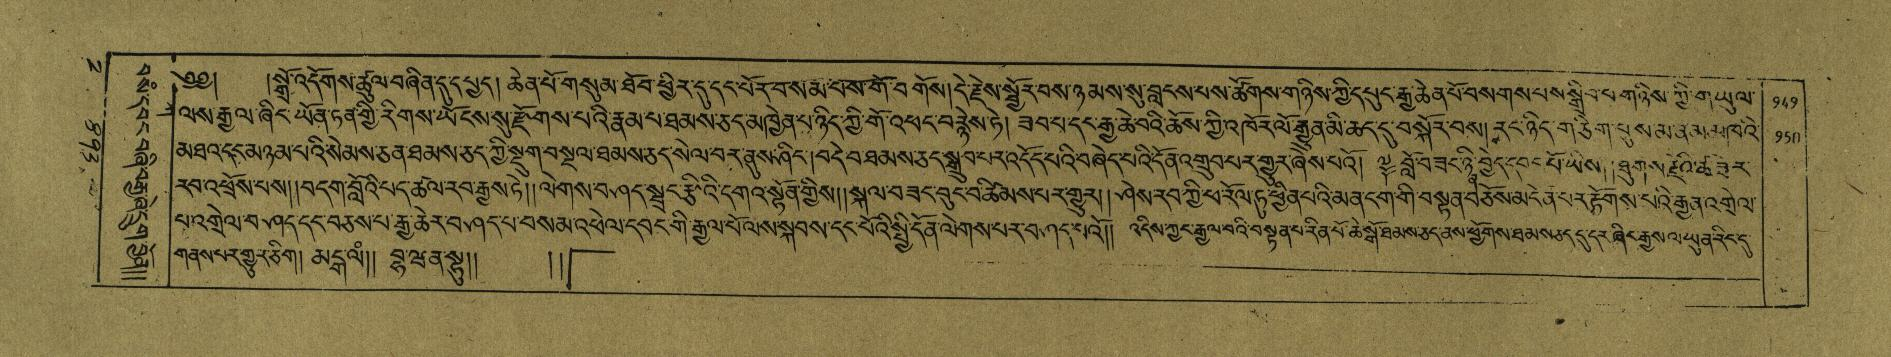༄༅། །སྒྲོ་འདོགས་ཚུལ་བཞིན་དུ་དཔྱད། ཆེན་པོ་གསུམ་ཐོབ་ཕྱིར་དུ་དང་པོར་བསམ་པས་གོ་བགོས། དེ་རྗེས་སྦྱོར་བས་ཉམས་སུ་བླངས་པས་ཚོགས་གཉིས་ཀྱི་དཔུང་རྒྱ་ཆེན་པོ་བསགས་པས་སྒྲིབ་པ་གཉིས་ཀྱི་གཡུལ་
ལས་རྒྱལ་ཞིང་ཡོན་ཏན་གྱི་རིགས་ཡོངས་སུ་རྫོགས་པའི་རྣམ་པ་ཐམས་ཅད་མཁྱེན་པ་ཉིད་ཀྱི་གོ་འཕང་བརྙེས་ཏེ། ཟབ་པ་དང་རྒྱ་ཆེ་བའི་ཆོས་ཀྱི་འཁོར་ལོ་རྒྱུན་མི་ཆད་དུ་བསྐོར་བས། རང་ཉིད་གཅིག་པུས་མ་ནམ་མཁའི་
མཐའ་དང་མཉམ་པའི་སེམས་ཅན་ཐམས་ཅད་ཀྱི་སྡུག་བསྔལ་ཐམས་ཅད་སེལ་བར་ནུས་ཤིང་། བདེ་བ་ཐམས་ཅད་སྒྲུབ་པར་འདོད་པའི་བཞེད་པའི་དོན་འགྲུབ་པར་གྱུར་ཞེས་པའོ། ༈ བློ་བཟང་ཉིན་བྱེད་དབང་པོ་ཡིས། །ཐུགས་རྗེའི་ཚ་ཟེར་
རབ་འཕྲོས་པས། །བདག་བློའི་པད་ཚལ་རབ་རྒྱས་ཏེ། །ལེགས་བཤད་སྦྲང་རྩིའི་དགའ་སྟོན་གྱིས། །སྐལ་བཟང་བུང་བ་ཚིམས་པར་གྱུར། །ཤེས་རབ་ཀྱི་ཕ་རོལ་ཏུ་ཕྱིན་པའི་མན་ངག་གི་བསྟན་བཅོས་མངོན་པར་རྟོགས་པའི་རྒྱན་འགྲེལ་
པ་འགྲེལ་བཤད་དང་བཅས་པ་རྒྱ་ཆེར་བཤད་པ་བསམ་འཕེལ་དབང་གི་རྒྱལ་པོ་ལས་སྐབས་དང་པོའི་སྤྱི་དོན་ལེགས་པར་བཤད་པའོ། །འདིས་ཀྱང་རྒྱལ་བའི་བསྟན་པ་རིན་པོ་ཆེ་སྒོ་ཐམས་ཅད་ནས་ཕྱོགས་ཐམས་ཅད་དུ་དར་ཞིང་རྒྱས་ལ་ཡུན་རིང་དུ་
གནས་པར་གྱུར་ཅིག། མངྒ་ལཾ།། བྷ་ཝན་སྟུ།། །།